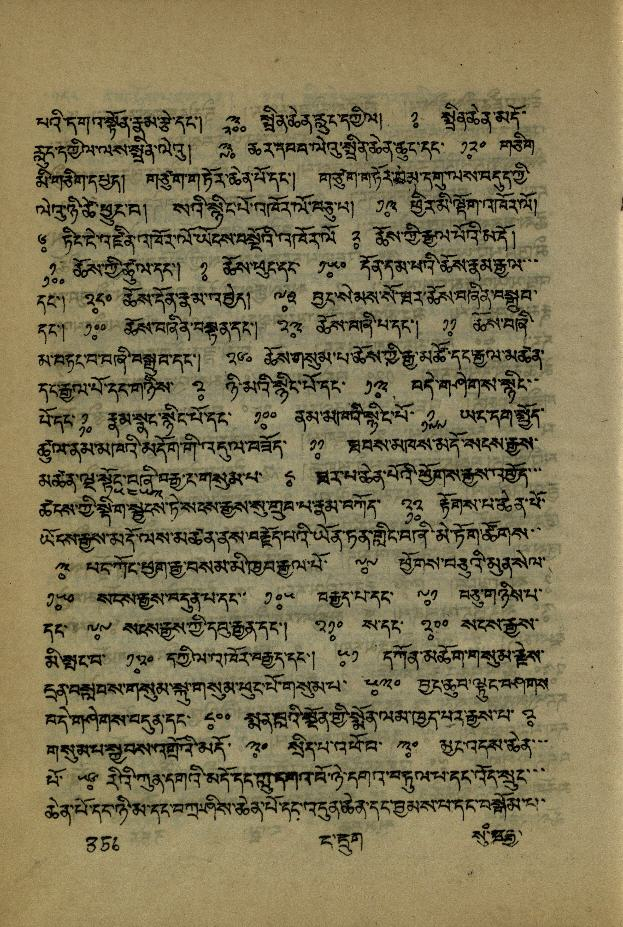པའི་དགའ་སྟོན་རྣམ་རྩེ་དང་། ༣༢༠༠་སྤྲིན་ཆེན་རླུང་དཀྱིལ། ༡་སྤྲིན་ཆེན་མདོ་
རླུང་དཀྱིལ་ལས་སྤྲིན་ལེའུ། ༣་ཆར་དབབ་ལེའུ་སྤྲིན་ཆེན་ཆུང་དང ༡༢༠་གཅིག་
མི་གཅིག་དཔྱད། གཙུག་གཏོར་ཆེན་པོ་དན།ག་གཙུག་གཏོར་གྱེ་མ་དགུ་ལས་བདུད་ཀྱི་
ལེའུ་ཉི་ཚེ་ཕྱུང་པ། སའི་སྙིང་པོ་འཁོར་ལོ་བཅུ་པ། ༡༣་ཕྱིར་མོ་ལྡོག་འཁོར་ལོ།
༦་ཏིང་ངེ་འཛིན་འཁོར་ལོ་ཡོངས་བསྔོའི་འཁོར་ལོ ༢་ཆོས་ཀྱི་རྒྱལ་པོའི་མདོ།
༡༡༠༠་ཆོས་ཀྱི་ཚུལ་དང་། ༡་ཆོས་ཕུང་དང ༡༥༠་དོན་དམ་པའི་ཆོས་རྣམ་རྒྱལ་
དང་། ༢༨༠་ཆོས་དོན་རྣམ་འབྱེད། ༧༢་བྱང་སེམས་སོ་ཐར་ཆོས་བཞིན་བསྒྲུབ་
དང་། ༡༠༠་ཆོས་བཞིན་བསྟན་དང་། ༢༣་ཆོས་བཞི་པ་དང་། ༡༡་ཆོས་བཞི་
མ་བཏང་བ་བཞི་བསྒྲུབ་པ་དང་། ༢༦༠་ཆོས་གསུམ་པ་ཆོས་ཀྱི་རྒྱ་མཚོ་དང་རྒྱལ་མཚན་
དང་རྒྱལ་པོ་དང་གཉིས ༢་ཉི་མའི་སྙིང་པོ་དང་། ༡༣་བདེ་གཤེགས་སྙིང་
པོ་དང ༡༼༡༠་རྣམ་སྣང་སྙིང་པོ་དང ༡༠༠་ནམ་མཁའི་སྙིང་པོ ༡༽༡༧༧་ཡང་དག་སྤྱོད་
ཚུལ་ནམ་མཁའི་མདོག་གི་འདུལ་བཟོད ༡༡་ཐབས་མཁས་མདོ་སངས་རྒྱས་
མཚན་ལྔ་སྟོང་བཞི་བརྒྱ་ང་གསུམ་པ ༨་ཐར་པ་ཆེན་པོའི་ཕྱོགས་རྒྱས་འགྱོད་
ཚངས་ཀྱི་སྡིག་སྦྱངས་ཏེ་སངས་རྒྱས་སུ་གྲུབ་པ་རྣམ་བཀོད ༢༢༡༠་རྟོགས་པ་ཆེན་པོ་
ཡོངས་རྒྱས་མདོ་ལས་མཚན་ནས་བརྗོད་པའི་ཡོན་ཏན་གླིང་བཞི་མེ་ཏོག་ཚོགས་
༣་པང་ཀོང་ཕྱག་རྒྱ་བསམ་མི་ཁྱབ་རྒྱལ་པོ ༧༧་ཕྱོགས་བཅུའི་མུན་སེལ་
༡༥༠་སངས་རྒྱས་བདུན་པ་དང ༡༠༥་བརྒྱད་པ་དང ༧༡་བཅུ་གཉིས་པ་
དང ༧༧་སངས་རྒྱས་ཀྱི་དབུ་རྒྱན་དང་། ༢༡༠་ས་དང ༢༠༠་སངས་རྒྱས་
མི་སྤང་བ ༡༢༠་དཀྱིལ་འཁོར་བརྒྱད་དང་། ༥༡་དཀོན་མཆོག་གསུམ་རྗེས་
དྲན་བསླབས་གསུམ་སྐུ་གསུམ་ཕུང་པོ་གསུམ་པ ༥༣༠་བྱང་ཆུབ་ལྟུང་བཤགས་
བདེ་གཤེགས་བདུན་དང ༨༠༠་སྨན་བླའི་སྔོན་གྱི་སྨོན་ལམ་ཁྱད་པར་རྒྱས་པ ༢
གསུམ་པ་སྐྱབས་འྨྡོ ༣༠་སྲིད་པ་འཕོ་བ། ༣༠་མྱང་འདས་ཆེན་
པོ ༥༦་རིའི་ཀུན་དགའི་མདོ་དང་ཀླུ་དགའ་བོ་ཉེདགའ་བཏུལ་བ་དང་འོད་སྲུང་
ཆེན་པོ་དང་ཉི་མ་དང་བཀྲ་ཤིས་ཆེན་པོ་དང་འདུན་ཆེན་དང་བྱམས་པ་དང་བསྒོམ་པ་